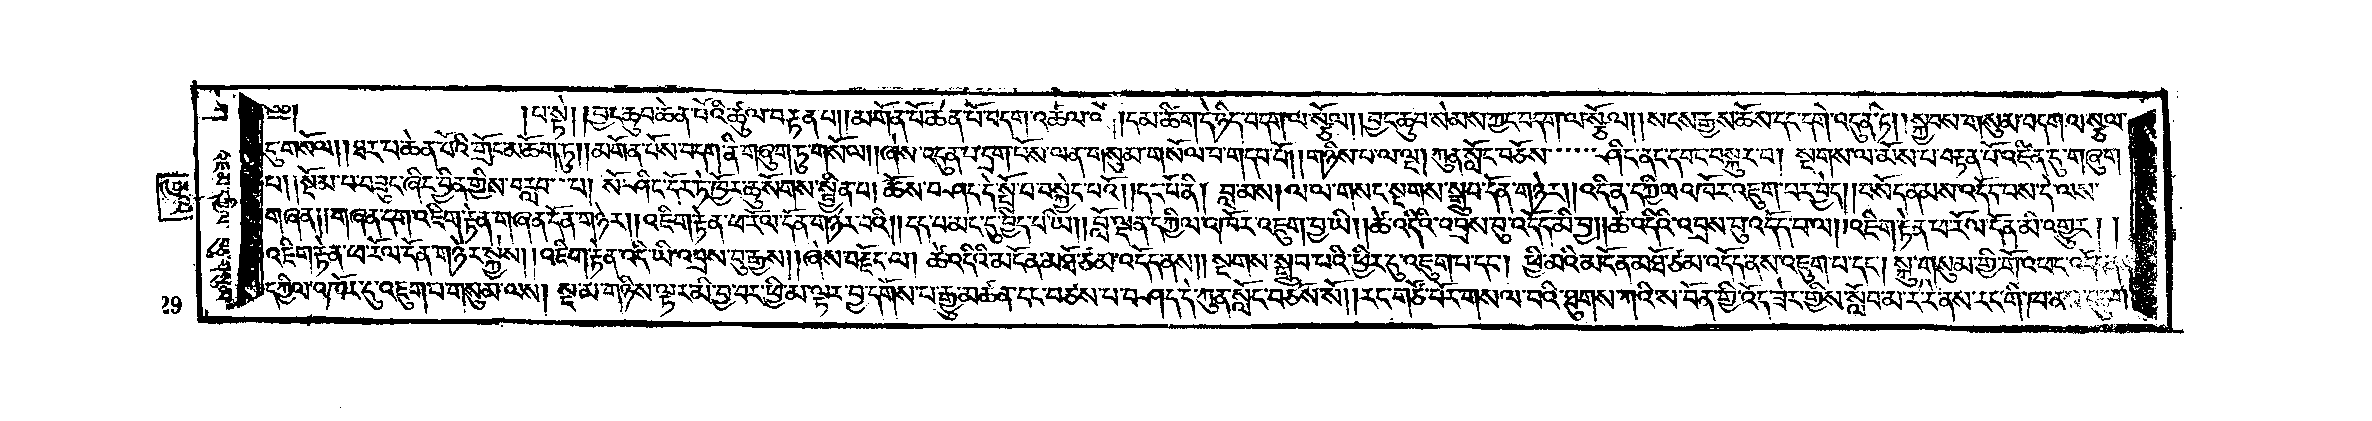༄༅། །པ་སྟེ། །བྱང་ཆུབ་ཆེན་པོའི་ཚུལ་བརྟན་པ། །མགོན་པོ་ཆེན་པོ་བདག་འཚལ་ལོ། །དམ་ཚིག་དེ་ཉིད་བདག་ལ་སྩོལ། །བྱང་ཆུབ་སེམས་ཀྱང་བདག་ལ་སྩོལ། །སངས་རྒྱས་ཆོས་དང་དགེ་འདུན་ཏེ། །སྐྱབས་གསུམ་བདག་ལ་སྩལ་
དུ་གསོལ། །ཐར་པ་ཆེན་པོའི་གྲོང་མཆོག་ཏུ། །མགོན་པོས་བདག་ནི་གཞུག་ཏུ་གསོལ། །ཞེས་བདུན་པ་དྲག་པོས་ལན་གསུམ་གསོལ་བ་གདབ་བོ། །གཉིས་པ་ལ་ལྔ། ཀུན་སློང་བཅོས་ཤིང་ནང་དབང་བསྐུར་བ། སྔགས་ལ་མོས་པ་བརྟན་པོ་འཛིན་དུ་གཞུག་
པ། །སྡོམ་པ་བཟུང་ཞིང་བྱིན་གྱིས་བརླབ་པ། སོ་ཤིང་དོར་ཏེ་ཁྱོར་ཆུ་སོགས་སྦྱིན་པ། ཆོས་བཤད་དེ་སྤྲོ་བ་བསྐྱེད་པའོ། །དང་པོ་ནི། བླ་མས། ལ་ལ་གསང་སྔགས་སྒྲུབ་དོན་གཉེར། །འདི་ན་དཀྱིལ་འཁོར་འཇུག་པར་བྱེད། །བསོད་ནམས་འདོད་པས་དེ་ལས་
གཞན། །གཞན་དག་འཇིག་རྟེན་གཞན་དོན་གཉེར། །འཇིག་རྟེན་ཕ་རོལ་དོན་གཉེར་བའི། །དད་པ་མང་དུ་བྱེད་པ་ཡི། །བློ་ལྡན་དཀྱིལ་འཁོར་འཇུག་བྱ་ཡི། །ཚེ་འདིའི་འབྲས་བུ་འདོད་མི་བྱ། །ཚེ་འདིའི་འབྲས་བུ་འདོད་པ་ལ། །འཇིག་རྟེན་ཕ་རོལ་དོན་མི་འགྱུར། །
འཇིག་རྟེན་ཕ་རོལ་དོན་གཉེར་སྐྱེས། །འཇིག་རྟེན་འདི་ཡི་འབྲས་བུ་རྒྱས། །ཞེས་བརྗོད་ལ། ཚེ་འདིའི་མངོན་མཐོ་ཙམ་འདོད་ནས། །སྔགས་སྒྲུབ་པའི་ཕྱིར་དུ་འཇུག་པ་དང་། ཕྱི་མའི་མངོན་མཐོ་ཙམ་འདོད་ནས་འཇུག་པ་དང་། སྐུ་གསུམ་གྱི་གོ་འཕང་འདོད་ནས་
དཀྱིལ་འཁོར་དུ་འཇུག་པ་གསུམ་ལས། སྔ་མ་གཉིས་ལྟར་མི་བྱ་བར་ཕྱི་མ་ལྟར་བྱ་དགོས་པ་རྒྱུ་མཚན་དང་བཅས་པ་བཤད་དེ་ཀུན་སློང་བཅས་སོ། །རང་གཙོ་བོར་གསལ་བའི་ཐུགས་ཀའི་ས་བོན་གྱི་འོད་ཟེར་གྱིས་སློབ་མ་རེ་རེ་ནས་རང་གི་ཁ་ནས་བཅུག་